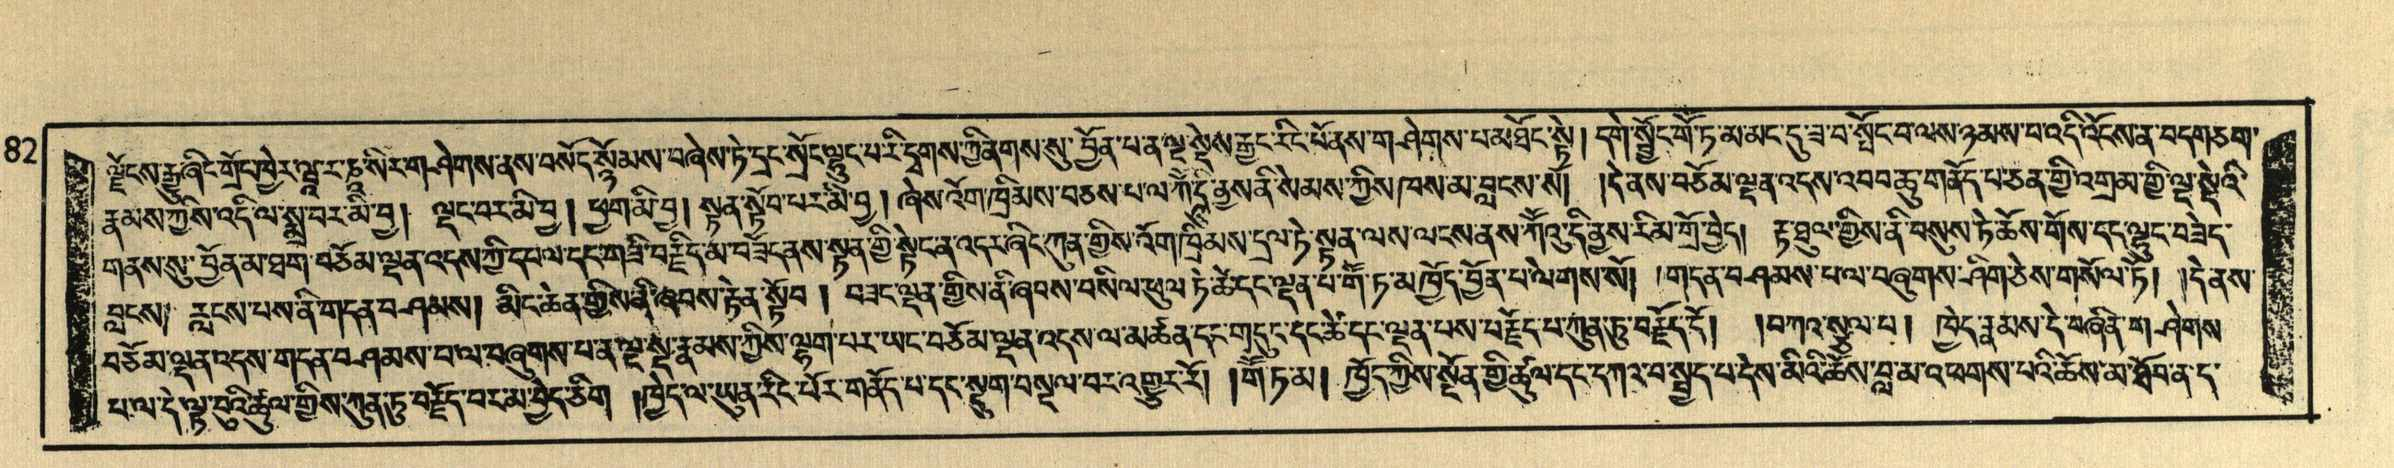ལྗོངས་རྒྱུ་ཞིང་གྲོང་ཁྱེར་ཝཱ་ར་ཎཱ་སིར་གཤེགས་ནས་བསོད་སྙོམས་བཞེས་ཏེ་དྲང་སྲོང་ལྷུང་པ་རི་དྭགས་ཀྱི་ནགས་སུ་བྱོན་པ་ན་ལྔ་སྡེས་རྒྱང་རིང་པོ་ནས་གཤེགས་པ་མཐོང་སྟེ། དགེ་སྦྱོང་གོ་ཏ་མ་མང་དུ་ཟ་བ་སྤོང་བ་ལས་ཉམས་པ་འདི་འོངས་ན་བདག་ཅག་
རྣམས་ཀྱིས་འདི་ལ་སྨྲ་བར་མི་བྱ། ལྡང་བར་མི་བྱ། ཕྱག་མི་བྱ། སྟན་སྟོབ་པར་མི་བྱ། ཞེས་འོག་ཁྲིམས་བཅས་པ་ལ་ཀཽ་དཱུ་ནྱས་ནི་སེམས་ཀྱིས་ཁས་མ་བླངས་སོ། །དེ་ནས་བཅོམ་ལྡན་འདས་འབབ་ཆུ་གནོད་པ་ཅན་གྱི་འགྲམ་གྱི་ལྔ་སྡེའི་
གནས་སུ་བྱོན་མ་ཐག་བཅོམ་ལྡན་འདས་ཀྱི་དཔལ་དང་གཟི་བརྗིད་མ་བཟོད་ནས་སྟན་གྱི་སྟེང་ན་འདར་ཞིང་ཀུན་གྱིས་འོག་ཁྲིམས་དྲལ་ཏེ་སྟན་ལས་ལངས་ནས་ཀཽའུ་དི་ནྱས་རིམ་གྲོ་བྱེད། རྟ་ཐུལ་གྱིས་ནི་བསུས་ཏེ་ཆོས་གོས་དང་ལྷུང་བཟེད་
བླངས། རླངས་པས་ནི་གདན་བཤམས། མིང་ཆེན་གྱིས་ནི་ཞབས་རྟེན་སྟོབ། བཟང་ལྡན་གྱིས་ནི་ཞབས་བསིལ་ཕུལ་ཏེ་ཚེ་དང་ལྡན་པ་གཽ་ཏ་མཁྱོད་བྱོན་པ་ལེགས་སོ། །གདན་བཤམས་པ་ལ་བཞུགས་ཤིག་ཅེས་གསོལ་ཏོ། །དེ་ནས་
བཅོམ་ལྡན་འདས་གདན་བཤམས་བ་ལ་བཞུགས་པ་ན་ལྔ་སྡེ་རྣམས་ཀྱིས་ལྷག་པར་ཡང་བཅོམ་ལྡན་འདས་ལ་མཚན་དང་གདུང་དང་ཚེ་དང་ལྡན་པས་བརྗོད་པ་ཀུན་ཏུ་བརྗོད་དོ། །བཀའ་སྩལ་བ། ཁྱེད་རྣམས་དེ་བཞིན་གཤེགས་
པ་ལ་དེ་ལྟ་བུའི་ཚུལ་གྱིས་ཀུན་ཏུ་བརྗོད་བར་མ་བྱེད་ཅིག །ཁྱེད་ལ་ཡུན་རིང་པོར་གནོད་པ་དང་སྡུག་བསྔལ་བར་འགྱུར་རོ། །གཽ་ཏ་མ། ཁྱོད་ཀྱིས་སྔོན་གྱི་ཚུལ་དང་དཀའ་བ་སྤྱད་པ་དེས་མིའི་ཆོས་བླ་མ་འཕགས་པའི་ཆོས་མ་ཐོབ་ན་ད་